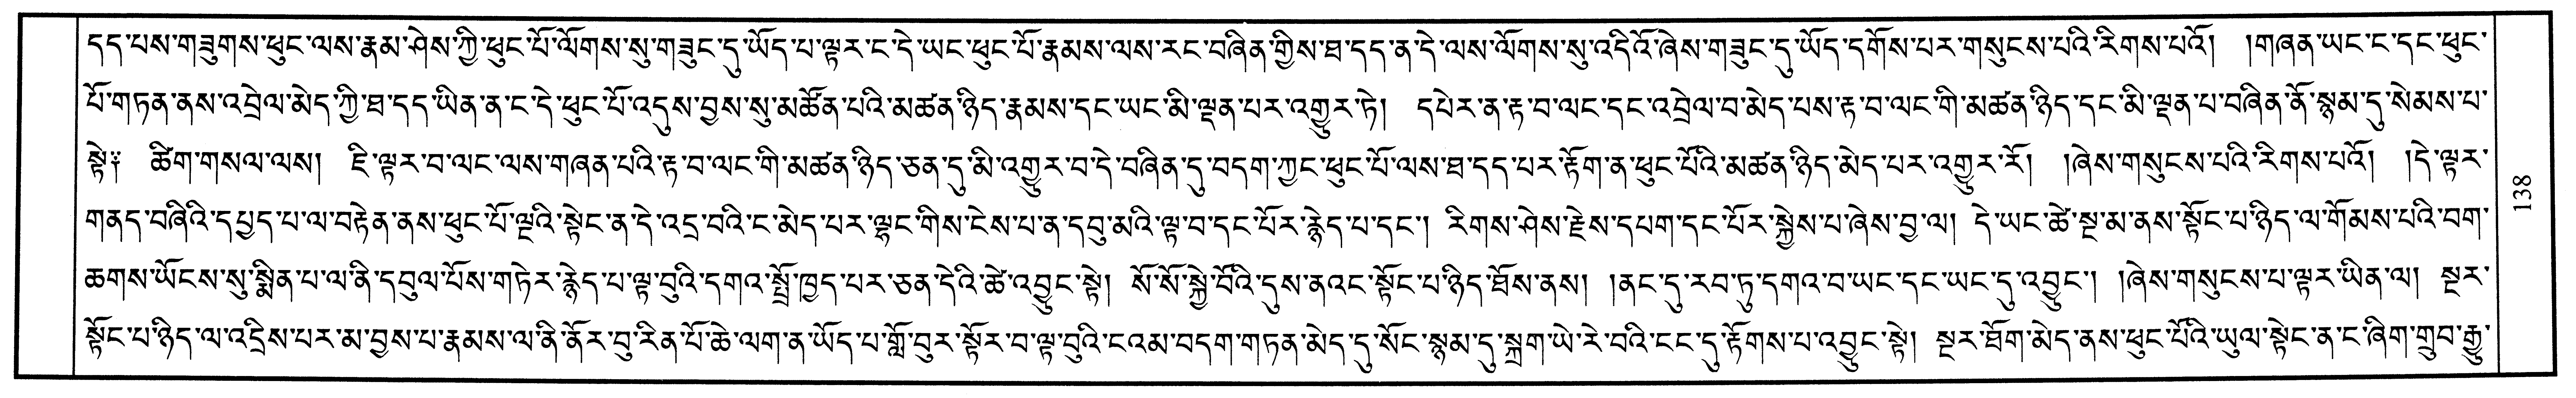དད་པས་གཟུགས་ཕུང་ལས་རྣམ་ཤེས་ཀྱི་ཕུང་པོ་ལོགས་སུ་གཟུང་དུ་ཡོད་པ་ལྟར་ང་དེ་ཡང་ཕུང་པོ་རྣམས་ལས་རང་བཞིན་གྱིས་ཐ་དད་ན་དེ་ལས་ལོགས་སུ་འདིའོ་ཞེས་གཟུང་དུ་ཡོད་དགོས་པར་གསུངས་པའི་རིགས་པའོ། །གཞན་ཡང་ང་དང་ཕུང་
པོ་གཏན་ནས་འབྲེལ་མེད་ཀྱི་ཐ་དད་ཡིན་ན་ང་དེ་ཕུང་པོ་འདུས་བྱས་སུ་མཚོན་པའི་མཚན་ཉིད་རྣམས་དང་ཡང་མི་ལྡན་པར་འགྱུར་ཏེ། དཔེར་ན་རྟ་བ་ལང་དང་འབྲེལ་བ་མེད་པས་རྟ་བ་ལང་གི་མཚན་ཉིད་དང་མི་ལྡན་པ་བཞིན་ནོ་སྙམ་དུ་སེམས་པ་
སྟེ༑ ཚིག་གསལ་ལས། ཇི་ལྟར་བ་ལང་ལས་གཞན་པའི་རྟ་བ་ལང་གི་མཚན་ཉིད་ཅན་དུ་མི་འགྱུར་བ་དེ་བཞིན་དུ་བདག་ཀྱང་ཕུང་པོ་ལས་ཐ་དད་པར་རྟོག་ན་ཕུང་པོའི་མཚན་ཉིད་མེད་པར་འགྱུར་རོ། །ཞེས་གསུངས་པའི་རིགས་པའོ། །དེ་ལྟར་
གནད་བཞིའི་དཔྱད་པ་ལ་བརྟེན་ནས་ཕུང་པོ་ལྔའི་སྟེང་ན་དེ་འདྲ་བའི་ང་མེད་པར་ལྷང་གིས་ངེས་པ་ན་དབུ་མའི་ལྟ་བ་དང་པོར་རྙེད་པ་དང་། རིགས་ཤེས་རྗེས་དཔག་དང་པོར་སྐྱེས་པ་ཞེས་བྱ་ལ། དེ་ཡང་ཚེ་སྔ་མ་ནས་སྟོང་པ་ཉིད་ལ་གོམས་པའི་བག་
ཆགས་ཡོངས་སུ་སྨིན་པ་ལ་ནི་དབུལ་པོས་གཏེར་རྙེད་པ་ལྟ་བུའི་དགའ་སྤྲོ་ཁྱད་པར་ཅན་དེའི་ཚེ་འབྱུང་སྟེ། སོ་སོ་སྐྱེ་བོའི་དུས་ནའང་སྟོང་པ་ཉིད་ཐོས་ནས། །ནང་དུ་རབ་ཏུ་དགའ་བ་ཡང་དང་ཡང་དུ་འབྱུང་། །ཞེས་གསུངས་པ་ལྟར་ཡིན་ལ། སྔར་
སྟོང་པ་ཉིད་ལ་འདྲིས་པར་མ་བྱས་པ་རྣམས་ལ་ནི་ནོར་བུ་རིན་པོ་ཆེ་ལག་ན་ཡོད་པ་གློ་བུར་སྟོར་བ་ལྟ་བུའི་ངའམ་བདག་གཏན་མེད་དུ་སོང་སྙམ་དུ་སྐྲག་ཡེ་རེ་བའི་ངང་དུ་རྟོགས་པ་འབྱུང་སྟེ། སྔར་ཐོག་མེད་ནས་ཕུང་པོའི་ཡུལ་སྟེང་ན་ང་ཞིག་གྲུབ་རྒྱུ་